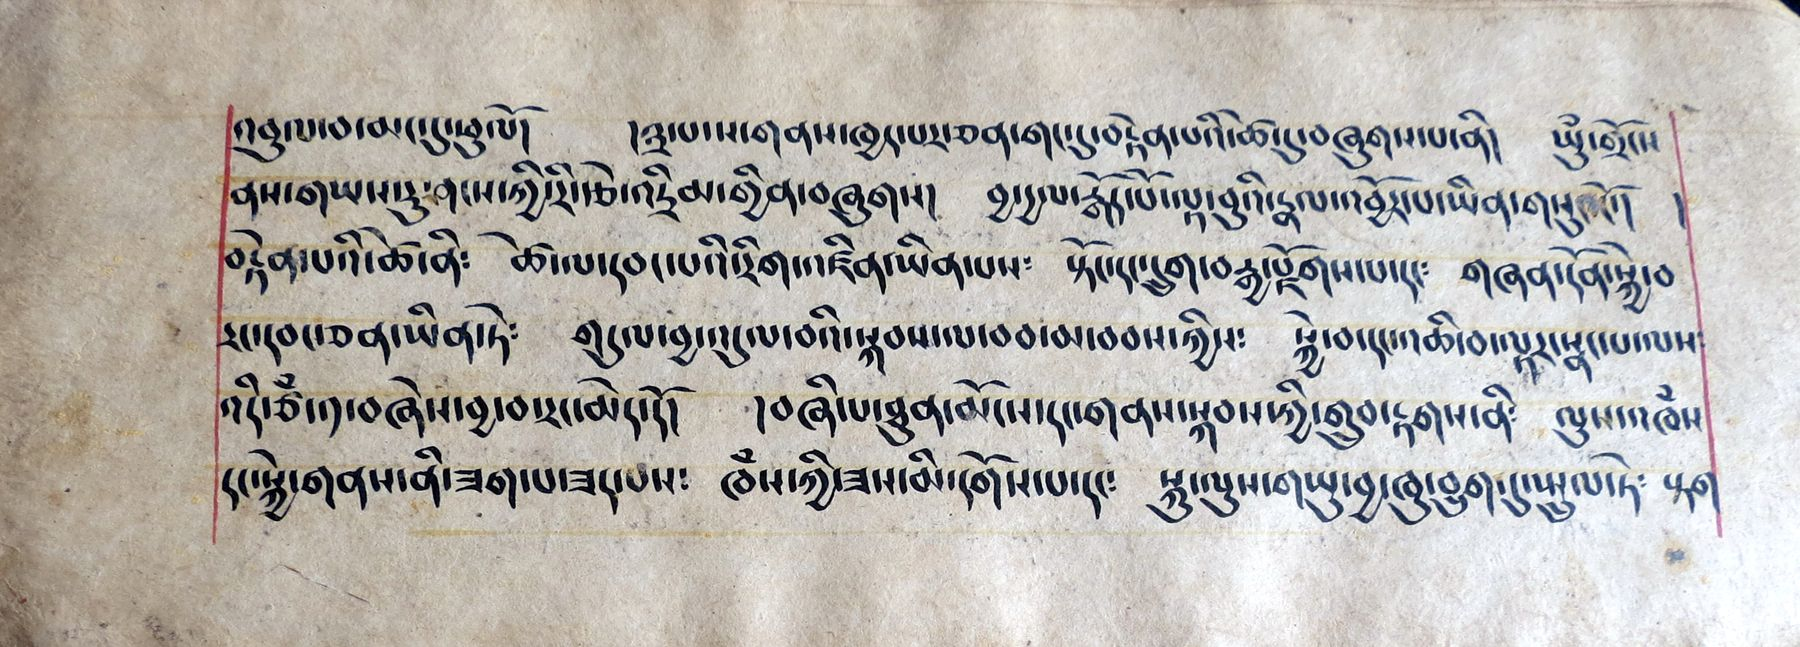འབུལ་བ་མང་དུ་ཕུལ་ལོ། །གསུམ་པ་ས་གནས་ཁྱད་པར་ཅན་གང་དུ་བརྟེན་པའི་ཚེ་དུ་བཞུགས་པ་ནི། ཡུམ་གྲོངས་
ནས། གཡས་རུ་ཤངས་ཀྱི་རི་རྩེ་འགྲིམས་ཀྱིན་བཞུགས། བྱ་རྒྱལ་རྒོད་པོ་ལྟ་བུའི་རྣལ་འབྱོར་པ་ཡིན་ནོ། །
བརྟེན་པའི་ཚེ་ནི་ཚེ་ལ་དབང་བའི་རིག་འཛིན་ཡིན་པས། སྟོང་དང་དྲུག་བརྒྱ་རྫོགས་པ་དང་། གཞན་དོན་སྐྱེ་བ་
རང་དབང་ཅན་ཡིན་ཏེ། གདུལ་བྱ་འདུལ་བའི་སྐབས་ལ་བབ་མ་བབ་ཀྱིས། སྐྱེ་བ་དང་འཆི་བ་ལྟར་སྣང་བ་ལས། 
འདི་ཙམ་པ་ཞེས་བྱ་བ་རང་མེད་དོ། །བཞི་པ་ཐུན་མོང་དང་གནས་སྐབས་ཀྱི་གྲུབ་རྟགས་ནི། ལུས་ཁམས་
དང་སྐྱེ་གནས་ཀྱི་ཟག་པ་ཟད་པས། ཁམས་ཀྱི་ཟས་མི་དགོས་པ་དང་། སྐུ་ལུས་གཡུ་བྱ་ཁུ་བྱུག་ཏུ་སྤྲུལ་ཏེ་སྟག་